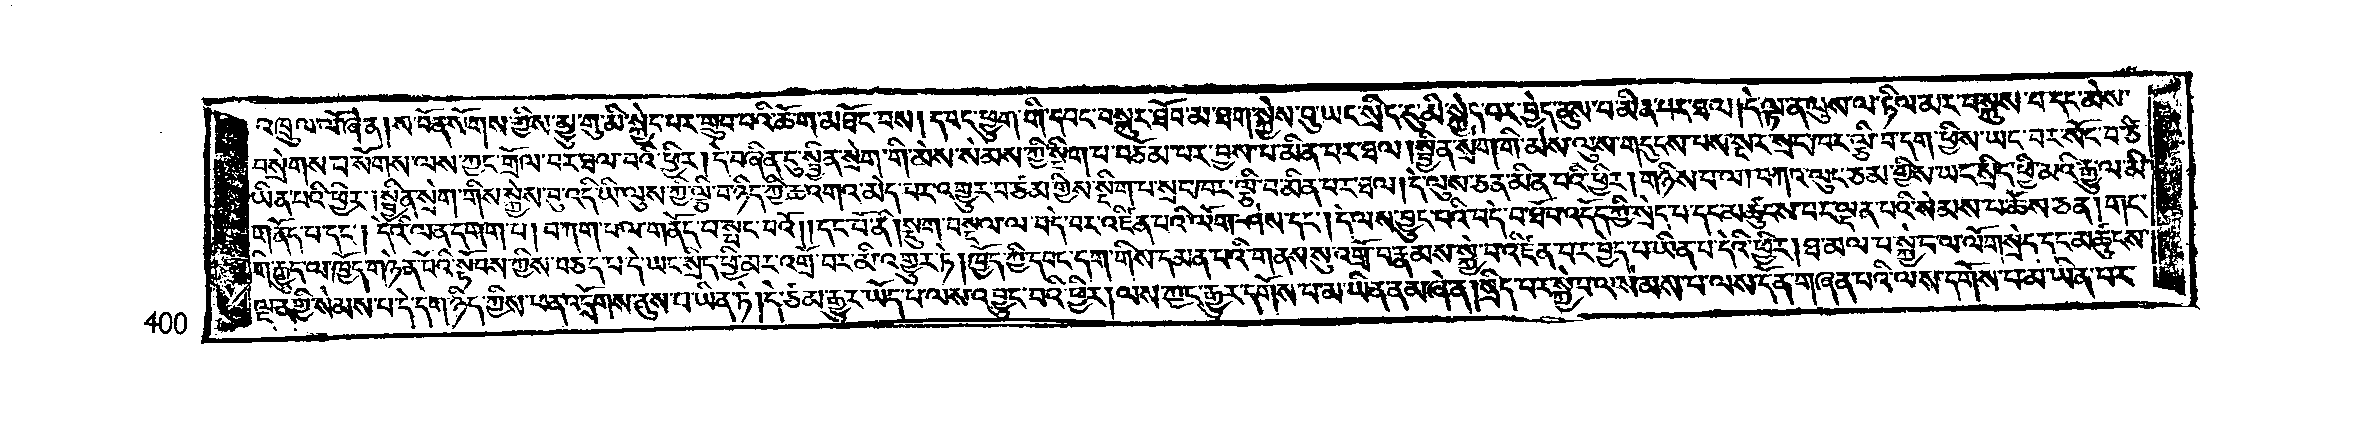འཁྲུལ་ལོ་ཞེ་ན། ས་བོན་སོགས་གྱིས་མྱུ་གུ་མི་སྐྱེད་པར་གྲུབ་པའི་ཆོ་ག་མཐོང་པས། དབང་ཕྱུག་གི་དབང་བསྐུར་ཐོབ་མ་ཐག་སྐྱེས་བུ་ཡང་སྲིད་དུ་མི་སྐྱེད་བར་བྱེད་ནུས་པ་མིན་པར་ཐལ། དེ་ལྟ་ན་ལུས་ལ་ཏིལ་མར་བསྐུས་པ་དང་མེས་
བསྲེགས་པ་སོགས་ལས་ཀྱང་གྲོལ་བར་ཐལ་བའི་ཕྱིར། དེ་བཞིན་དུ་སྦྱིན་སྲེག་གི་མེས་སེམས་ཀྱི་སྡིག་པ་བཅོམ་པར་བྱས་པ་མིན་པར་ཐལ། སྦྱིན་སྲེག་གི་མེས་ལུས་གདུངས་པས་སྔར་སྲང་ཁང་?་ལྕི་བ་དག་ཕྱིས་ཡང་བར་སོང་བ་ཙི་
ཡིན་པའི་ཕྱིར། སྦྱིན་སྲེག་གིས་སྐྱེས་བུ་འདི་ཡི་ལུས་ཀྱི་ལྕི་བ་ཉིད་ཀྱི་ཆ་འགའ་མེད་པར་འགྱུར་བ་ཙམ་གྱིས་སྡིག་པ་སྲང་?་ཁར་ལྕི་བ་མིན་པར་ཐལ། དེ་ལུས་ཅན་མིན་པའི་ཕྱིར། གཉིས་པ་ལ་བཀའ་ལུང་ཙམ་?་གྱིས་ཡང་སྲིད་ཕྱི་མའི་རྒྱུ་ལ་མི་
གནོད་པ་དང་། དེའི་ལན་དགག་པ། བཀག་པ་ལ་གནོད་པ་སྤང་བའོ། །དང་པོ་ནི། སྡུག་བསྔལ་ལ་བདེ་བར་འཛིན་པའི་ལོག་ཤེས་དང་། དེ་ལས་བྱུང་བའི་བདེ་བ་ཐོབ་འདོད་ཀྱི་སྲེད་པ་དང་མཚུངས་པར་ལྡན་པའི་སེམས་པ་ཆོས་ཅན། གང་
གི་རྒྱུད་ལ་ཁྱོད་གཉེན་པོའི་སྟོབས་ཀྱིས་བཅད་པ་དེ་ཡང་སྲིད་ཕྱི་མར་འགྲོ་བར་མི་འགྱུར་ཏེ། ཁྱོད་ཀྱི་དབང་དག་གིས་དམན་པའི་གནས་སུ་འགྲོ་བ་རྣམས་སྐྱེ་བ་འཛིན་པར་བྱེད་པ་ཡིན་པ་དེའི་ཕྱིར། ཐ་མལ་པ་སྐྱེ་བ་ལ་ལོག་སྲེད་དང་མཚུངས་
ལྡན་གྱི་སེམས་པ་དེ་དག་ཉིད་ཀྱིས་ཕན་འདྲོགས་ནུས་པ་ཡིན་ཏེ། དེ་ཙམ་རྒྱུར་ཡོད་པ་ལས་འབྱུང་བའི་ཕྱིར། ལས་ཀྱང་རྒྱུར་དགོས་པ་མ་ཡིན་ནམ་ཞེ་ན། སྲིད་པར་སྐྱེ་བ་ལ་སེམས་པ་ལས་དོན་གཞན་པའི་ལས་དགོས་པ་མ་ཡིན་པར་